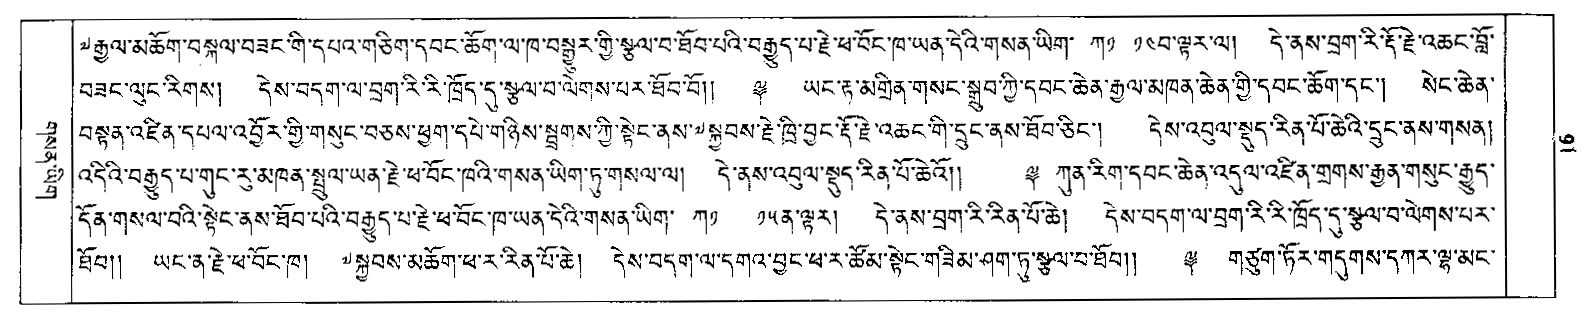༧་རྒྱལ་མཆོག་བསྐལ་བཟང་གི་དཔའ་གཅིག་དབང་ཆོག་ལ་ཁ་བསྒྱུར་གྱི་སྩལ་བ་ཐོབ་པའི་བརྒྱུད་པ་རྗེ་ཕ་བོང་ཁ་ཡན་དེའི་གསན་ཡིག་ཀ ༡ ༡༤་བ་ལྟར་ལ། དེ་ནས་བྲག་རི་རྡོ་རྗེ་འཆང་བློ་
བཟང་ལུང་རིགས། དེས་བདག་ལ་བྲག་རི་རི་ཁྲོད་དུ་སྩལ་བ་ལེགས་པར་ཐོབ་བོ།། ༈ ཡང་རྟ་མགྲིན་གསང་སྒྲུབ་ཀྱི་དབང་ཆེན་རྒྱལ་མཁན་ཆེན་གྱི་དབང་ཆོག་དང་། སེང་ཆེན་
བསྟན་འཛིན་དཔལ་འབྱོར་གྱི་གསུང་བཅས་ཕྱག་དཔེ་གཉིས་སྦྲགས་ཀྱི་སྟེང་ནས་༧་སྐྱབས་རྗེ་ཁྲི་བྱང་རྡོ་རྗེ་འཆང་གི་དྲུང་ནས་ཐོབ་ཅིང་། དེས་འབུལ་སྡུད་རིན་པོ་ཆེའི་དྲུང་ནས་གསན།
འདིའི་བརྒྱུད་པ་གུང་རུ་མཁན་སྤྲུལ་ཡན་རྗེ་ཕ་བོང་ཁའི་གསན་ཡིག་ཏུ་གསལ་ལ། དེ་ནས་འབུལ་སྡུད་རིན་པོ་ཆེའོ།། ༈ ཀུན་རིག་དབང་ཆེན་འདུལ་འཛིན་གྲགས་རྒྱན་གསུང་རྒྱུད་
དོན་གསལ་བའི་སྟེང་ནས་ཐོབ་པའི་བརྒྱུད་པ་རྗེ་ཕ་བོང་ཁ་ཡན་དེའི་གསན་ཡིག་ཀ ༡ ༡༥་ན་ལྟར། དེ་ནས་བྲག་རི་རིན་པོ་ཆེ། དེས་བདག་ལ་བྲག་རི་རི་ཁྲོད་དུ་སྩལ་བ་ལེགས་པར་
ཐོབ།། ཡང་ན་རྗེ་ཕ་བོང་ཁ། ༧་སྐྱབས་མཆོག་ཕ་ར་རིན་པོ་ཆེ། དེས་བདག་ལ་དགའ་བྱང་ཕ་ར་ཚོམ་སྟེང་གཟིམ་ཤག་ཏུ་སྩལ་བ་ཐོབ།། ༈ གཙུག་ཏོར་གདུགས་དཀར་ལྷ་མང་